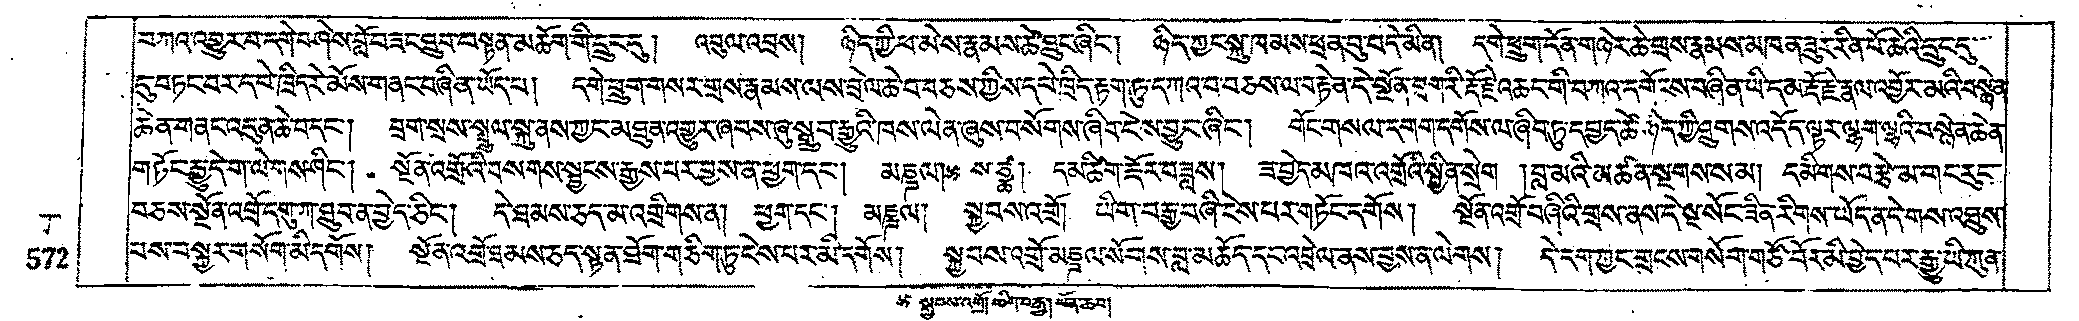བཀའ་འགྱུར་བ་དགེ་བཤེས་བློ་བཟང་ཐུབ་བསྟན་མཆོག་གི་དྲུང་དུ། འབུལ་འབྲས། ཉིད་ཀྱི་ཕ་མེས་རྣམས་ཚེ་ཐུང་ཞིང་། ཉིད་ཀྱང་སྐུ་ཁམས་ཕྲན་བུ་བདེ་མིན། དགེ་ཕྲུག་དོན་གཉེར་ཆེ་གྲས་རྣམས་མཁན་ཟུར་རིན་པོ་ཆེའི་དྲུང་དུ་་་
དུ་བཏང་བར་དཔེ་ཁྲིད་རེ་མོས་གནང་བཞིན་ཡོད་པ། དགེ་ཕྲུག་གསར་གྲས་རྣམས་ལས་བྲེལ་ཆེ་བ་བཅས་ཀྱིས་དཔེ་ཁྲིད་རྟག་ཏུ་དཀའ་བ་བཅས་ལ་བརྟེན་དེ་སྔོན་བྲག་རི་རྡོ་རྗེ་འཆང་གི་བཀའ་དགོངས་བཞིན་ཡི་དམ་རྡོ་རྗེ་རྣལ་འབྱོར་མའི་བསྙེན་
ཆེན་གནང་འདུན་ཆེ་བ་དང་། བྲག་སྲས་སྤྲུལ་སྐུ་ནས་ཀྱང་མཐུན་འགྱུར་ཞབས་ཞུ་སྒྲུབ་རྒྱུའི་ཁས་ལེན་ཞུས་པ་སོགས་ཞིབ་ངེས་བྱུང་ཞིང་། གོང་གསལ་དགག་དགོས་ལ་ཞིབ་ཏུ་དཔྱད་ཚེ་ཉིད་ཀྱི་ཐུགས་འདོད་ལྟར་ལྷག་ལྷའི་བསྙེན་ཆེན་
གཏོང་རྒྱུ་དེ་ག་ལེགས་ཤིང་། སྔོན་འགྲོའི་བསགས་སྦྱངས་རྒྱས་པར་བྱས་ན་ཕྱག་དང་། མཎྜལ། ས་ཙྪ། དམ་ཚིག་རྡོར་བཟླས། ཟ་བྱེད་མཁའ་འགྲོའི་སྦྱིན་སྲེག །བླ་མའི་མཚན་སྔགས་སམ། དམིགས་བརྩེ་མ་གང་རུང་་་
བཅས་སྔོན་འགྲོ་དགུ་ཀ་ཐུབ་ན་བྱེད་ཅིང་། དེ་ཐམས་ཅད་མ་འགྲིགས་ན། ཕྱག་དང་། མཎྜལ། སྐྱབས་འགྲོ། ཡིག་བརྒྱ་བཞི་ངེས་པར་གཏོང་དགོས། སྔོན་འགྲོ་བཞིའི་གྲས་ནས་དེ་སྔ་སོང་ཟིན་རིགས་ཡོད་ན་དེ་གས་འཐུས་
པས་བསྐྱར་གསོག་མི་དགོས། སྔོན་འགྲོ་ཐམས་ཅད་སྟན་ཐོག་གཅིག་ཏུ་ངེས་པར་མི་དགོས། སྐྱབས་འགྲོ་མཎྜལ་སོགས་བླ་མཆོད་དང་འབྲེལ་ནས་བྱས་ན་ལེགས། དེ་དག་ཀྱང་གྲངས་གསོག་གཙོ་བོར་མི་བྱེད་པར་རྒྱུ་ཡི་ཀུན་